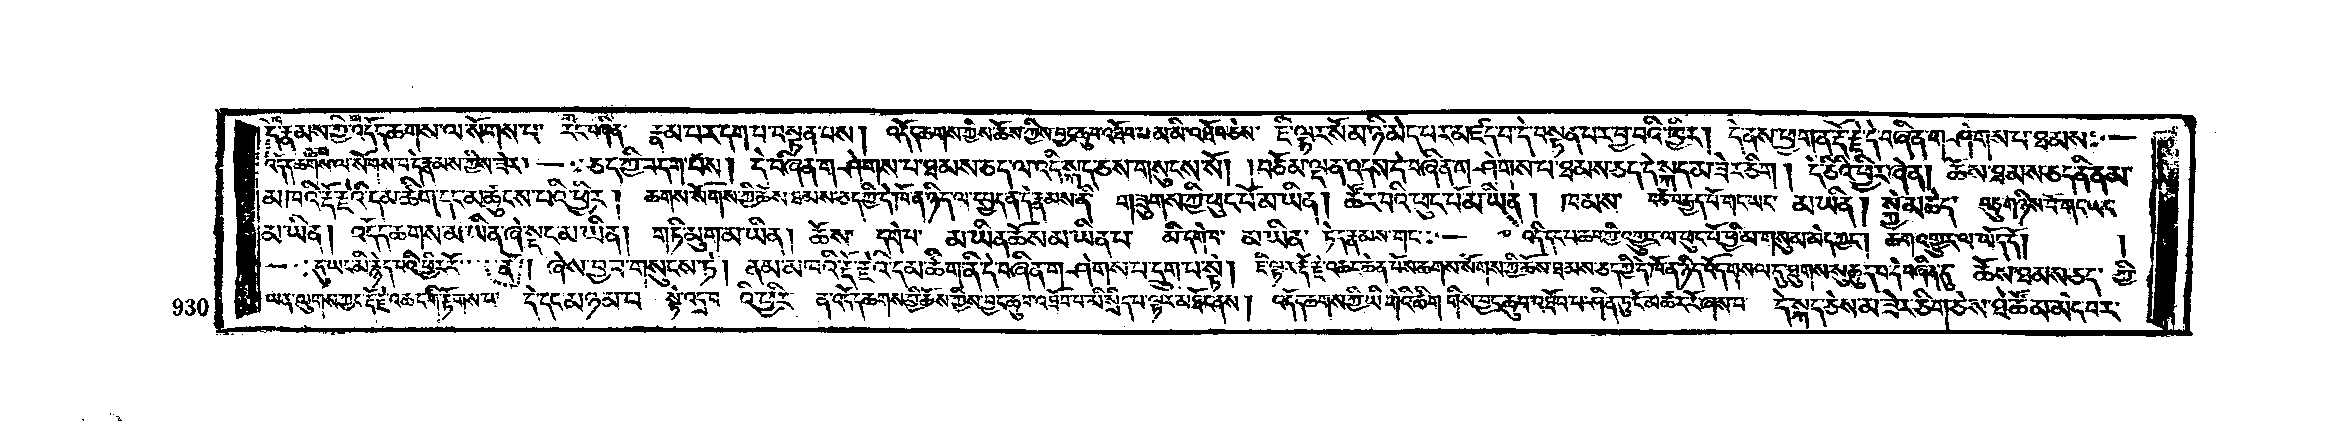དེ་ཁ་རྣམས་ཀྱི་ག་འདོད་ཆགས་ལ་སོགས་པ་ག་རང་བཞིན་རྣམ་པར་དག་པ་བསྟན་པས། འདོད་ཆགས་ཀྱིས་ཆོས་ཀྱིས་བྱང་ཆུབ་འཐོབ་པ་མ་མི་འཐོབ་ཅེས་ཇི་ལྟར་སོམ་ཉི་མེད་པར་མཛད་པ་དེ་བསྟན་པར་བྱ་བའི་ཕྱིར། དེ་ནས་ཕྱག་ན་རྡོ་རྗེ་དེ་བཞིན་གཤེགས་པ་ཐམསཿ
འདོད་ཆགས་ལ་སོགས་པ་དེ་རྣམས་ཀྱིས་ཟེར།  .Hཅད་ཀྱི་བདག་པོས། དེ་བཞིན་གཤེགས་པ་ཐམས་ཅད་ལ་འདི་སྐད་ཅེས་གསུངས་སོ། །བཅོམ་ལྡན་འདས་དེ་བཞིན་གཤེགས་པ་ཐམས་ཅད་དེ་སྐད་མ་ཟེར་ཅིག །དེ་ཅིའི་ཕྱིར་ཞེ་ན། ཆོས་ཐམས་ཅད་ནི་ནམ་
མཁའི་རྡོ་རྗེའི་དམ་ཚིག་དང་མཚུངས་པའི་ཕྱིར། ཆགས་སོགས་ཀྱི་ཆོས་ཐམས་ཅད་ཀྱི་དེ་ཁོ་ན་ཉིད་ལ་དཔྱད་ན་དེ་རྣམས་ནི་གཟུགས་ཀྱི་ཕུང་པོ་མ་ཡིན། ཚོར་བའི་ཕུང་པོ་མ་ཡིན། ཁམས་བཅོ་བརྒྱད་པོ་གང་ཡང་མ་ཡིན། སྐྱེ་མཆེད་བཅུ་གཉིས་པོ་གང་ཡང་
མ་ཡིན། འདོད་ཆགས་མ་ཡིན་ཞེ་སྡང་མ་ཡིན། གཏི་མུག་མ་ཡིན། ཆོས་དགེ་པ་མ་ཡིན་ཆོས་མ་ཡིན་པ་མི་དགེ་བ་མ་ཡིན་ཏེ་དེ་རྣམས་གངཿ་༧་འདི་དང་པ་ཆབ་ཀྱི་འགྱུར་ལ་ཕུང་པོ་ཕྱི་མ་གསུམ་མེད་ཀྱང་། ཆག་འགྱུར་ལ་ཡོད་དོ། །
.Hདུ་ཡང་མི་རྙེད་པའི་ཕྱིར་རོ་ནོ། ཞེས་བྱ་བ་གསུངས་ཏེ། ནམ་མཁའི་རྡོ་རྗེའི་དམ་ཚིག་ནི་དེ་བཞིན་གཤེགས་པ་དྲུག་པ་སྟེ། ཇི་ལྟར་རྡོ་རྗེ་འཆང་ཆེན་པོས་ཆགས་སོགས་ཀྱི་ཆོས་ཐམས་ཅད་ཀྱི་དེ་ཁོ་ན་ཉིད་འོད་གསལ་དུ་ཐུགས་སུ་ཆུད་པ་དེ་བཞིན་དུ་ཆོས་ཐམས་ཅད་ཀྱི་
ཡིན་ལུགས་ཀྱང་རྡོ་རྗེ་འཆང་གི་རྟོགས་པ་དེ་དང་མཉམ་པ་སྟེ་འདྲ་བའི་ཕྱིར་ན་འདོད་ཆགས་གྱི་ཆོས་ཀྱིས་བྱང་ཆུབ་འཐོབ་པ་མི་སྲིད་པ་ལྟར་མཐོང་ནས། འདོད་ཆགས་ཀྱི་ཡི་གེའི་ཚིག་གིས་བྱང་ཆུབ་འཐོབ་པ་ཤིན་ཏུ་ངོ་མཚར་རོ་ཞེས་པ་དེ་སྐད་ཅེས་མ་ཟེར་ཅིག་ཅེས་ཐེ་ཚོམ་མེད་པར་